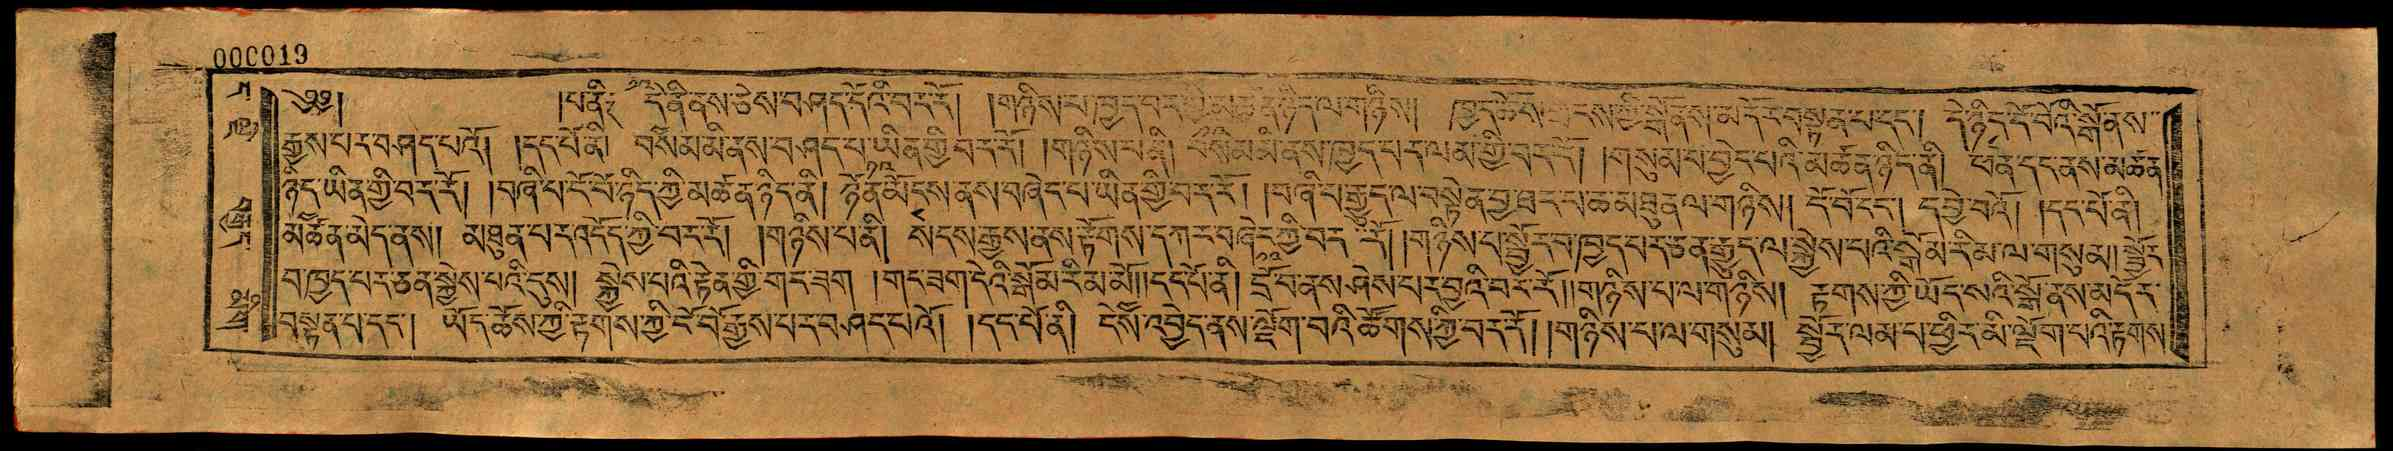༄༅། །པ་ནི༑ དེ་ནི་ནས་ཅེས་བཤད་དེའི་བར་རོ། །གཉིས་པ་ཁྱད་པར་གྱི་མཚན་ཉིད་ལ་གཉིས། ཁྱད་ཆོས་གྲངས་ཀྱི་སྒོ་ནས་མདོར་བསྟན་པ་དང་། དེ་ཉིད་ངོ་བོའི་སྒོ་ནས་
རྒྱས་པར་བཤད་པའོ། །དང་པོ་ནི། བསམ་མི་ནས་བཤད་པ་ཡིན་གྱི་བར་རོ། །གཉིས་པ་ནི། བསམ་མི་ནས་ཁྱད་པར་ལམ་གྱི་བར་རོ། །གསུམ་པ་བྱེད་པའི་མཚན་ཉིད་ནི། ཕེན་དང་ནས་མཚན་
ཉིད་ཡིན་གྱི་བར་རོ། །བཞི་པ་ངོ་བོ་ཉིད་ཀྱི་མཚན་ཉིད་ནི། ཉོན་མོངས་ནས་བཞེད་པ་ཡིན་གྱི་བར་རོ། །བཞི་པ་རྒྱུད་ལ་བསྟེན་བྱ་ཐར་པ་ཆ་མཐུན་ལ་གཉིས། ངོ་བོ་དང་། དབྱེ་བའོ། །དང་པོ་ནི།
མཚན་མེད་ནས། མཐུན་པར་འདོད་ཀྱི་བར་རོ། །གཉིས་པ་ནི། སངས་རྒྱས་ནས་རྟོགས་དཀར་བཞེང་ཀྱི་བར་རོ། །གཉིས་པ་སྦྱོང་བ་ཁྱད་པར་ཅན་རྒྱུད་ལ་སྐྱེས་པའི་སྒོམ་རིམ་ལ་གསུམ། སྦྱོར་
བ་ཁྱད་པར་ཅན་སྐྱེས་པའི་དུས། སྐྱེས་པའི་རྟེན་གྱི་གང་ཟག །གང་ཟག་དེའི་སྒོམ་རིམ་མོ། །དང་པོ་ནི། དྲོ་བ་ནས་ཤེས་པར་བྱའི་བར་རོ། །གཉིས་པ་ལ་གཉིས། རྟགས་ཀྱི་ཡོང་སའི་སྒོ་ནས་མདོར་
བསྟན་པ་དང་། ཡོད་ཆོས་ཀྱི་རྟགས་ཀྱི་ངོ་བོ་རྒྱས་པར་བཤད་པའོ། །དང་པོ་ནི། ངེས་འབྱེད་ནས་ལྡོག་པའི་ཚོགས་ཀྱི་བར་རོ། །གཉིས་པ་ལ་གསུམ། སྦྱོར་ལམ་པ་ཕྱིར་མི་ལྡོག་པའི་རྟགས་